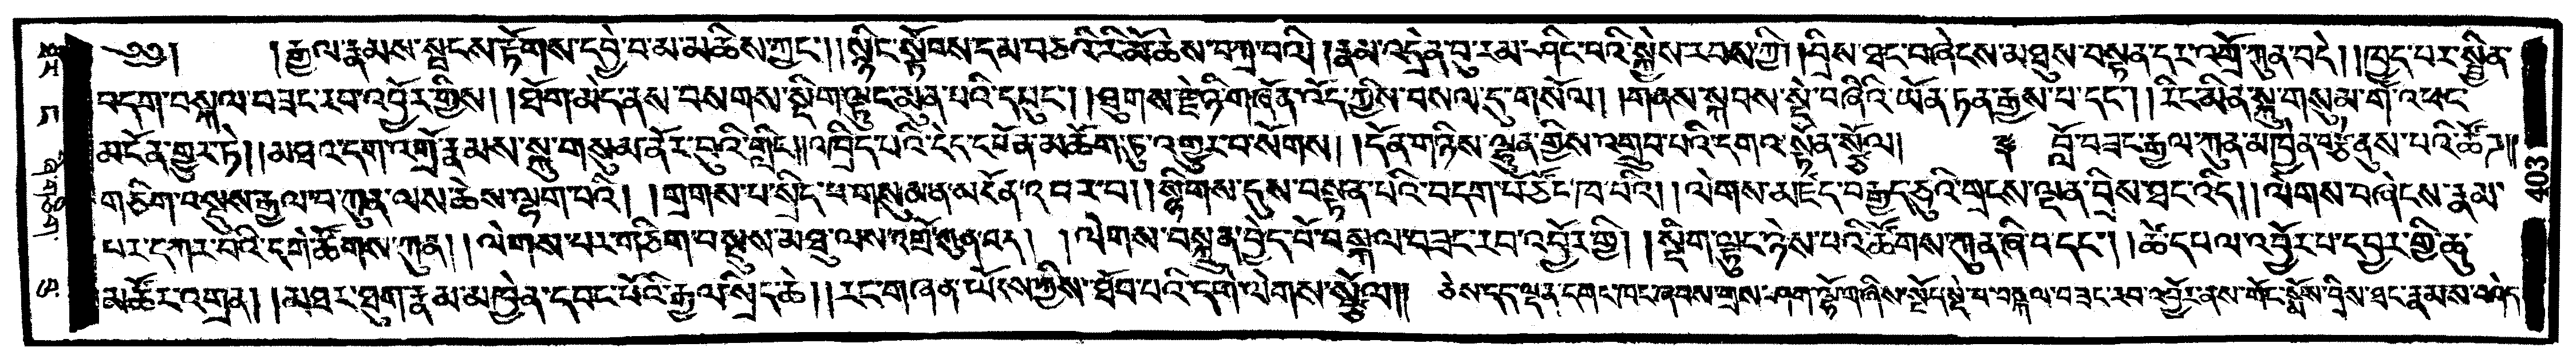༄༅། །རྒྱལ་རྣམས་སྤངས་རྟོགས་དབྱེ་བ་མ་མཆིས་ཀྱང་། །སྙིང་སྟོབས་དམ་བཅའི་རི་མོ་ཆེས་བཀྲ་བའི། །རྣམ་འདྲེན་བུ་རམ་ཤིང་བའི་སྐྱེས་རབས་ཀྱི། །བྲིས་ཐང་བཞེངས་མཐུས་བསྟན་དར་འགྲོ་ཀུན་བདེ། །ཁྱད་པར་སྦྱིན་
བདག་བསྐལ་བཟང་རབ་འབྱོར་གྱིས། །ཐོག་མེད་ནས་བསགས་སྡིག་ལྟུང་མུན་པའི་དཔུང་། །ཐུགས་རྗེ་ཉི་གཞོན་འོད་ཀྱིས་བསལ་དུ་གསོལ། །གནས་སྐབས་སྡེ་བཞིའི་ཡོན་ཏན་རྒྱས་པ་དང་། །རིང་མིན་སྐུ་གསུམ་གོ་འཕང་
མངོན་གྱུར་ཏེ། །མཐའ་དག་འགྲོ་རྣམས་སྐུ་གསུམ་ནོར་བུའི་གླིང་། །འཁྲིད་པའི་དེད་དཔོན་མཆོག་ཏུ་འགྱུར་བ་སོགས། །དོན་གཉིས་ལྷུན་གྱིས་འགྲུབ་པའི་དགའ་སྟོན་སྩོལ། ༈ བློ་བཟང་རྒྱལ་ཀུན་མཁྱེན་བརྩེ་ནུས་པའི་ཚོགས།།
གཅིག་བསྡུས་རྒྱལ་བ་ཀུན་ལས་ཆེས་ལྷག་པའི། །གྲགས་པ་སྲིད་པ་གསུམ་ན་མངོན་འབར་བ། །སྙིགས་དུས་བསྟན་པའི་བདག་པོ་ཙོང་ཁ་པའི། །ལེགས་མཛད་བརྒྱད་ཅུའི་གྲངས་ལྡན་བྲིས་ཐང་འདི། །ལེགས་བཞེངས་རྣམ་
པར་དཀར་བཱཨི་དགེ་ཚོགས་ཀུན། །ལེགས་པར་གཅིག་བསྡུས་མཐུ་ལས་འགྲོ་ཀུན་བར། །ལེགས་བསྐྲུན་བྱེད་པོ་བསྐལ་བཟང་རབ་འབྱོར་གྱི། །སྡིག་ལྟུང་ཉེས་པའི་ཚོགས་ཀུན་ཞི་བ་དང་། །ཚེ་དཔལ་འབྱོར་པ་དབྱར་གྱི་ཆུ་
མཚོར་འགྲན། །མཐར་ཐུག་རྣམ་མཁྱེན་དབང་པོའི་རྒྱལ་སྲིད་ཆེ། །རང་གཞན་ཡོངས་ཀྱིས་ཐོབ་པའི་དགེ་ལེགས་སྩོལ། །ཅེས་དད་ལྡན་དགའ་ཁང་ཞབས་གྲས་ཤག་ལྷོ་གཞིས་སྡོད་སྡེ་པ་བསྐལ་བཟང་རབ་འབྱོར་ནས་གོང་སྨོས་བྲིས་ཐང་རྣམས་བཤེད་